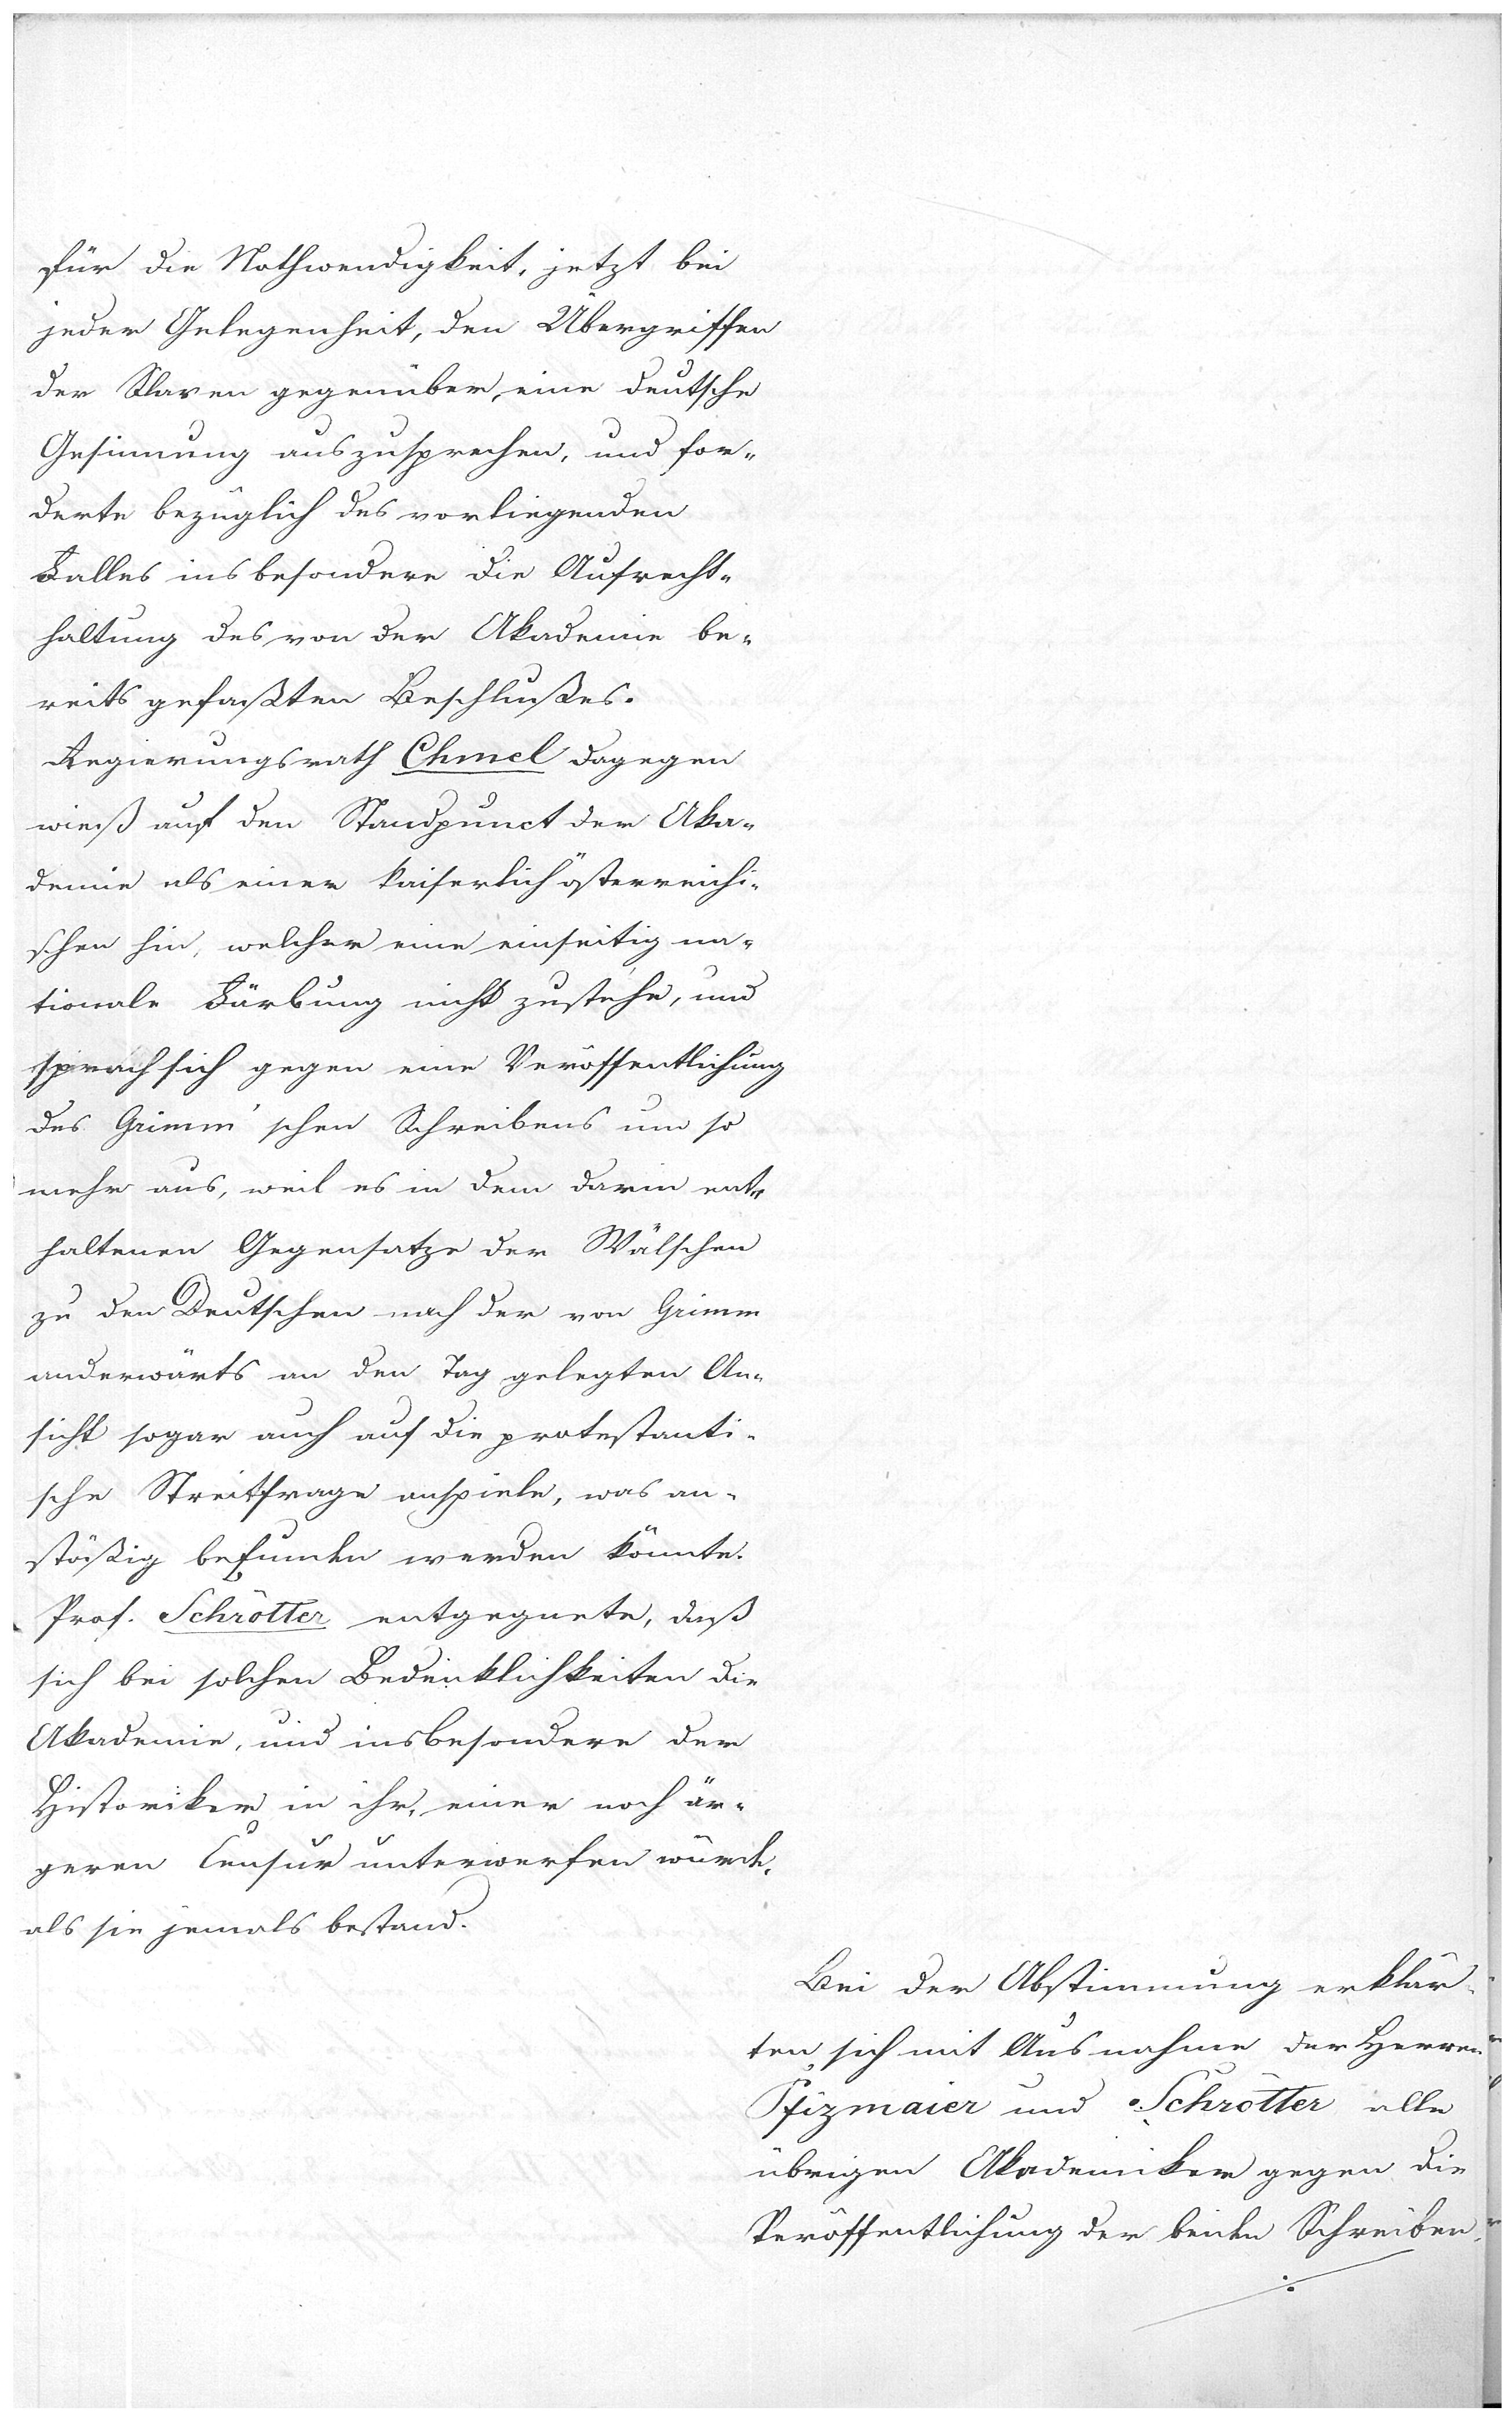für die Nothwendigkeit, jetzt bei
jeder Gelegenheit, den Übergriffen
der Slaven gegenüber, eine deutsche
Gesinnung auszusprechen, und fort-
derte bezüglich des vorliegenden
Falles insbesondere die Aufrecht-
haltung des von der Akademie be-
reits gefaßten Beschlusses
Regierungsrath Chmel dagegen
wieß auf den Standpunct der Aka-
demie als einer kaiserlich österreichi-
schen hin, welcher eine einseitig na-
tionale Färbung nicht zustehe, und
sprach sich gegen eine Veröffentlichung
des Grimm'schen Schreibens und so
mehr aus, weil es in dem darin ent-
haltenen Gegensatze der Wälschen
zu den Deutschen nach der von Grimm
anderwärts an den Tag gelegten An
sicht sogar auch auf die protestanti-
schen Streitfrage anspiele, was an-
stößig befunden werden könnte.
Prof. Schrötter entgegnete, daß
sich bei solchen Bederklichkeiten die
Akademie, und insbesondere der
Historiker in ihr, einer noch är-
geren Censur unterwerfen würde,
als sie jemals bestand.
Bei der Abstimmung erklär-
ten sich mit Ausnahme der Herren
Pfizmaier und Schrötter, alle
übrigen Akademiker gegen die
Veröffentlichung der beiden Schreiben.